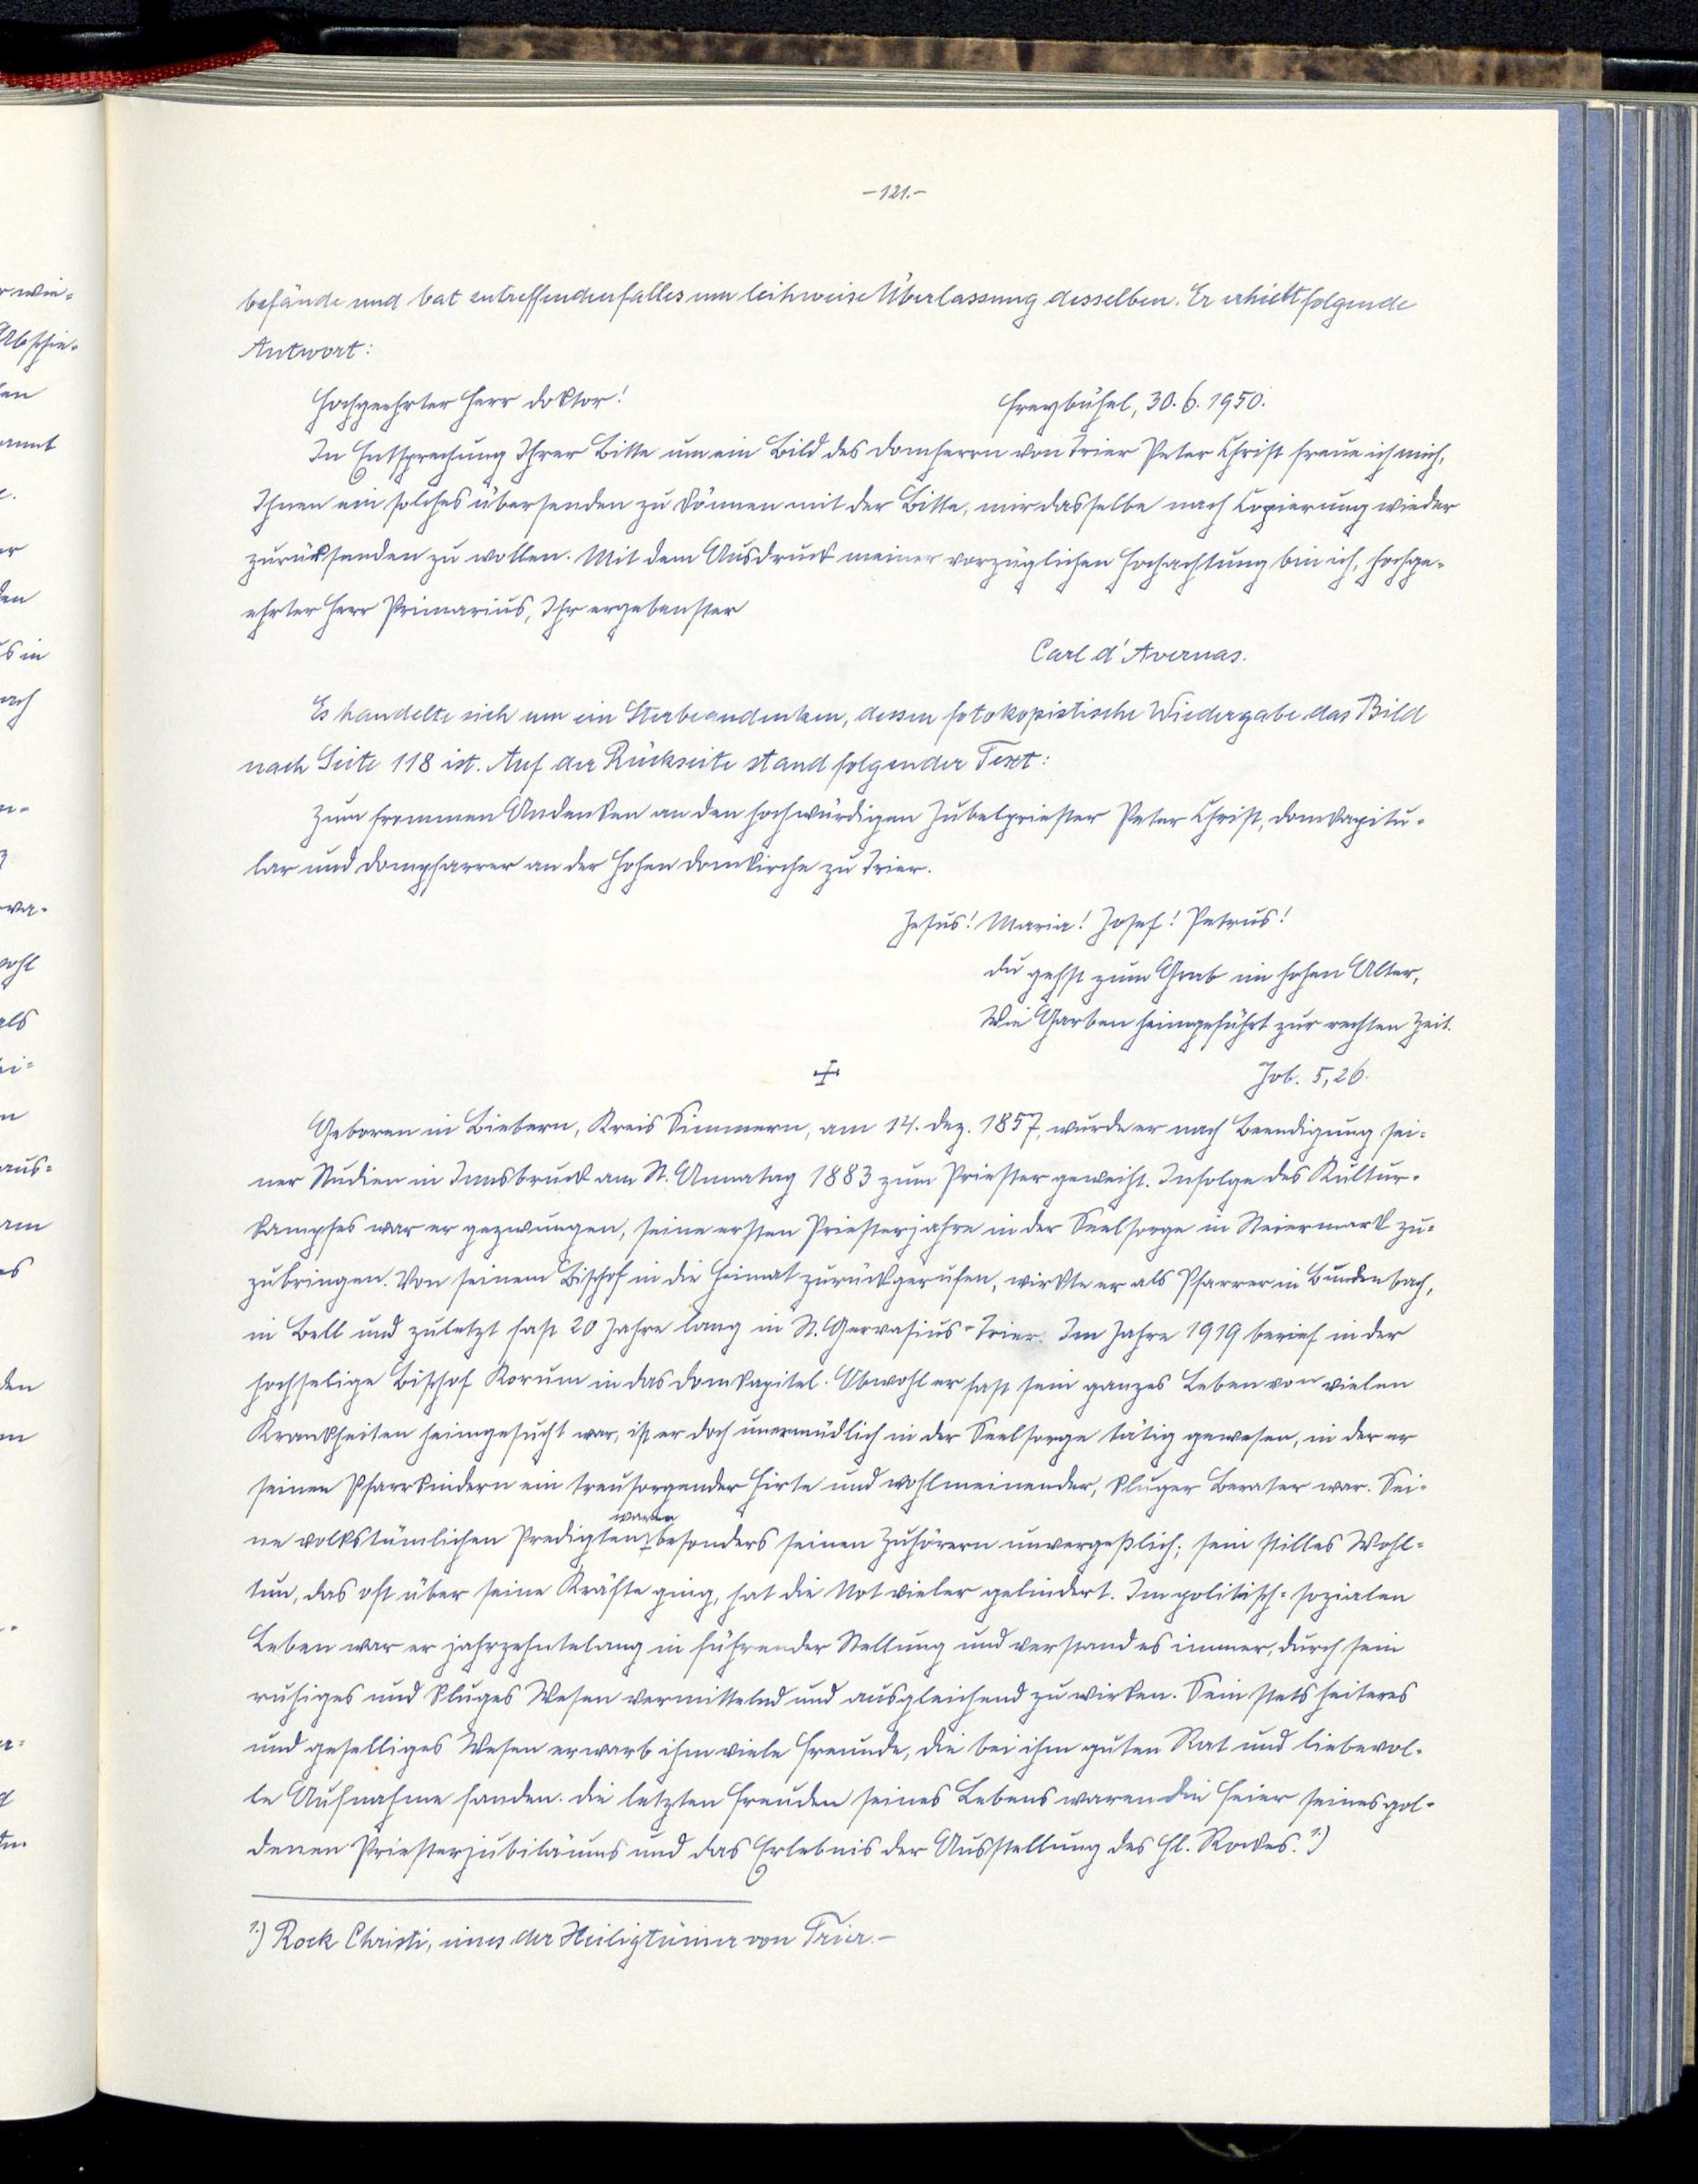121
befände und bat zutreffendenfalles um leihweise Überlassung desselben. Er erhielt folgende
Antwort:
Hochgeehrter Herr Doktor!
Freybühel, 30. 6. 1950
In Entsprechung Ihrer Bitte um ein Bild des Domherrn von Trier Peter Christ freue ich mich,
Ihnen ein solches übersende zu können mit der Bitte, mir dasselbe nach Copierung wieder
zurüksenden zu wollen. Mit dem Ausdruck meiner vorzüglichen Hochachtung bin ich, hochge-
ehrter Herr Primarius, Ihr ergebenster
Carl d' Avernas
Es handelte sich um ein Sterbeandenken, dessen fotokopistische Wiedergabe das Bild
nach Seite 118 ist. Auf der Rückseite stand folgender Text:
Zum frommen Andenken an den hochwürdigen Jubelpriester Peter Christ, Domkapitu-
ar und Dompfarrer an der hohen Domkirche zu Trier.
Jesus! Maria! Josef! Petrus!
Du gehst zum Grab im hohen Alter,
Wie Garben heimgeführt zur rechten Zeit.
Job. 5,26
Geboren in Biebern, Kreis Simmern, am 14. Dez. 1857, wurde er nach Beendigung sein-
ner Studien in Innsbruck am St. Annatag 1883 zum Priester geweiht. Infolge des Kultur-
kampfes war er gezwungen, seine ersten Priesterjahre in der Seelsorge in Steiermark zu-
zubringen. Von seinem Bischof in die Heimat zurückgerufen, wirkte er als Pfarrer in Bundenbach,
in Bell und zuletzt hast 20 Jahre lang in St. Gervesius - Trier. Im Jahre 1919 berief in der
hochselige Bischof Korum in das Domkapitel. Obwohl er fast sein ganzes Leben von vielen
Krankheiten heimgesucht war, ist er doch unermüdlich in der Seelsorge tätig gewesen, in der er
seinen Pfarrkindern ein treusorgender Hirte und wohlmeinender, kluger Berater war. Sei-
ne volkstümlichen Predigten wurden besonders seinen Zuhörern unvergeßlich; sein stilles Wohl-
tun, das oft über seine Kräften ging, hat die Not vieler gelindert. Im politisch -sozialen
Leben war er jahrzehntelang in führender Stellung und verstand es immer, durch sein
ruhiges und kluges Wesen vermittelnd und ausgleichend zu wirken. Sein stets heiteres
und geselliges Wesen erwarb ihm viele Freunde, die bei ihm guten Rat und liebevol-
le Aufnahme fanden. Die letzten Freuden seines Lebens waren die Feier seines gol-
denen Priesterjubiläuns und das Erlebnis der Ausstellung des hl. Rockes- 1)
1.) Rock Christi, eines der Heiligtümer von Trier.